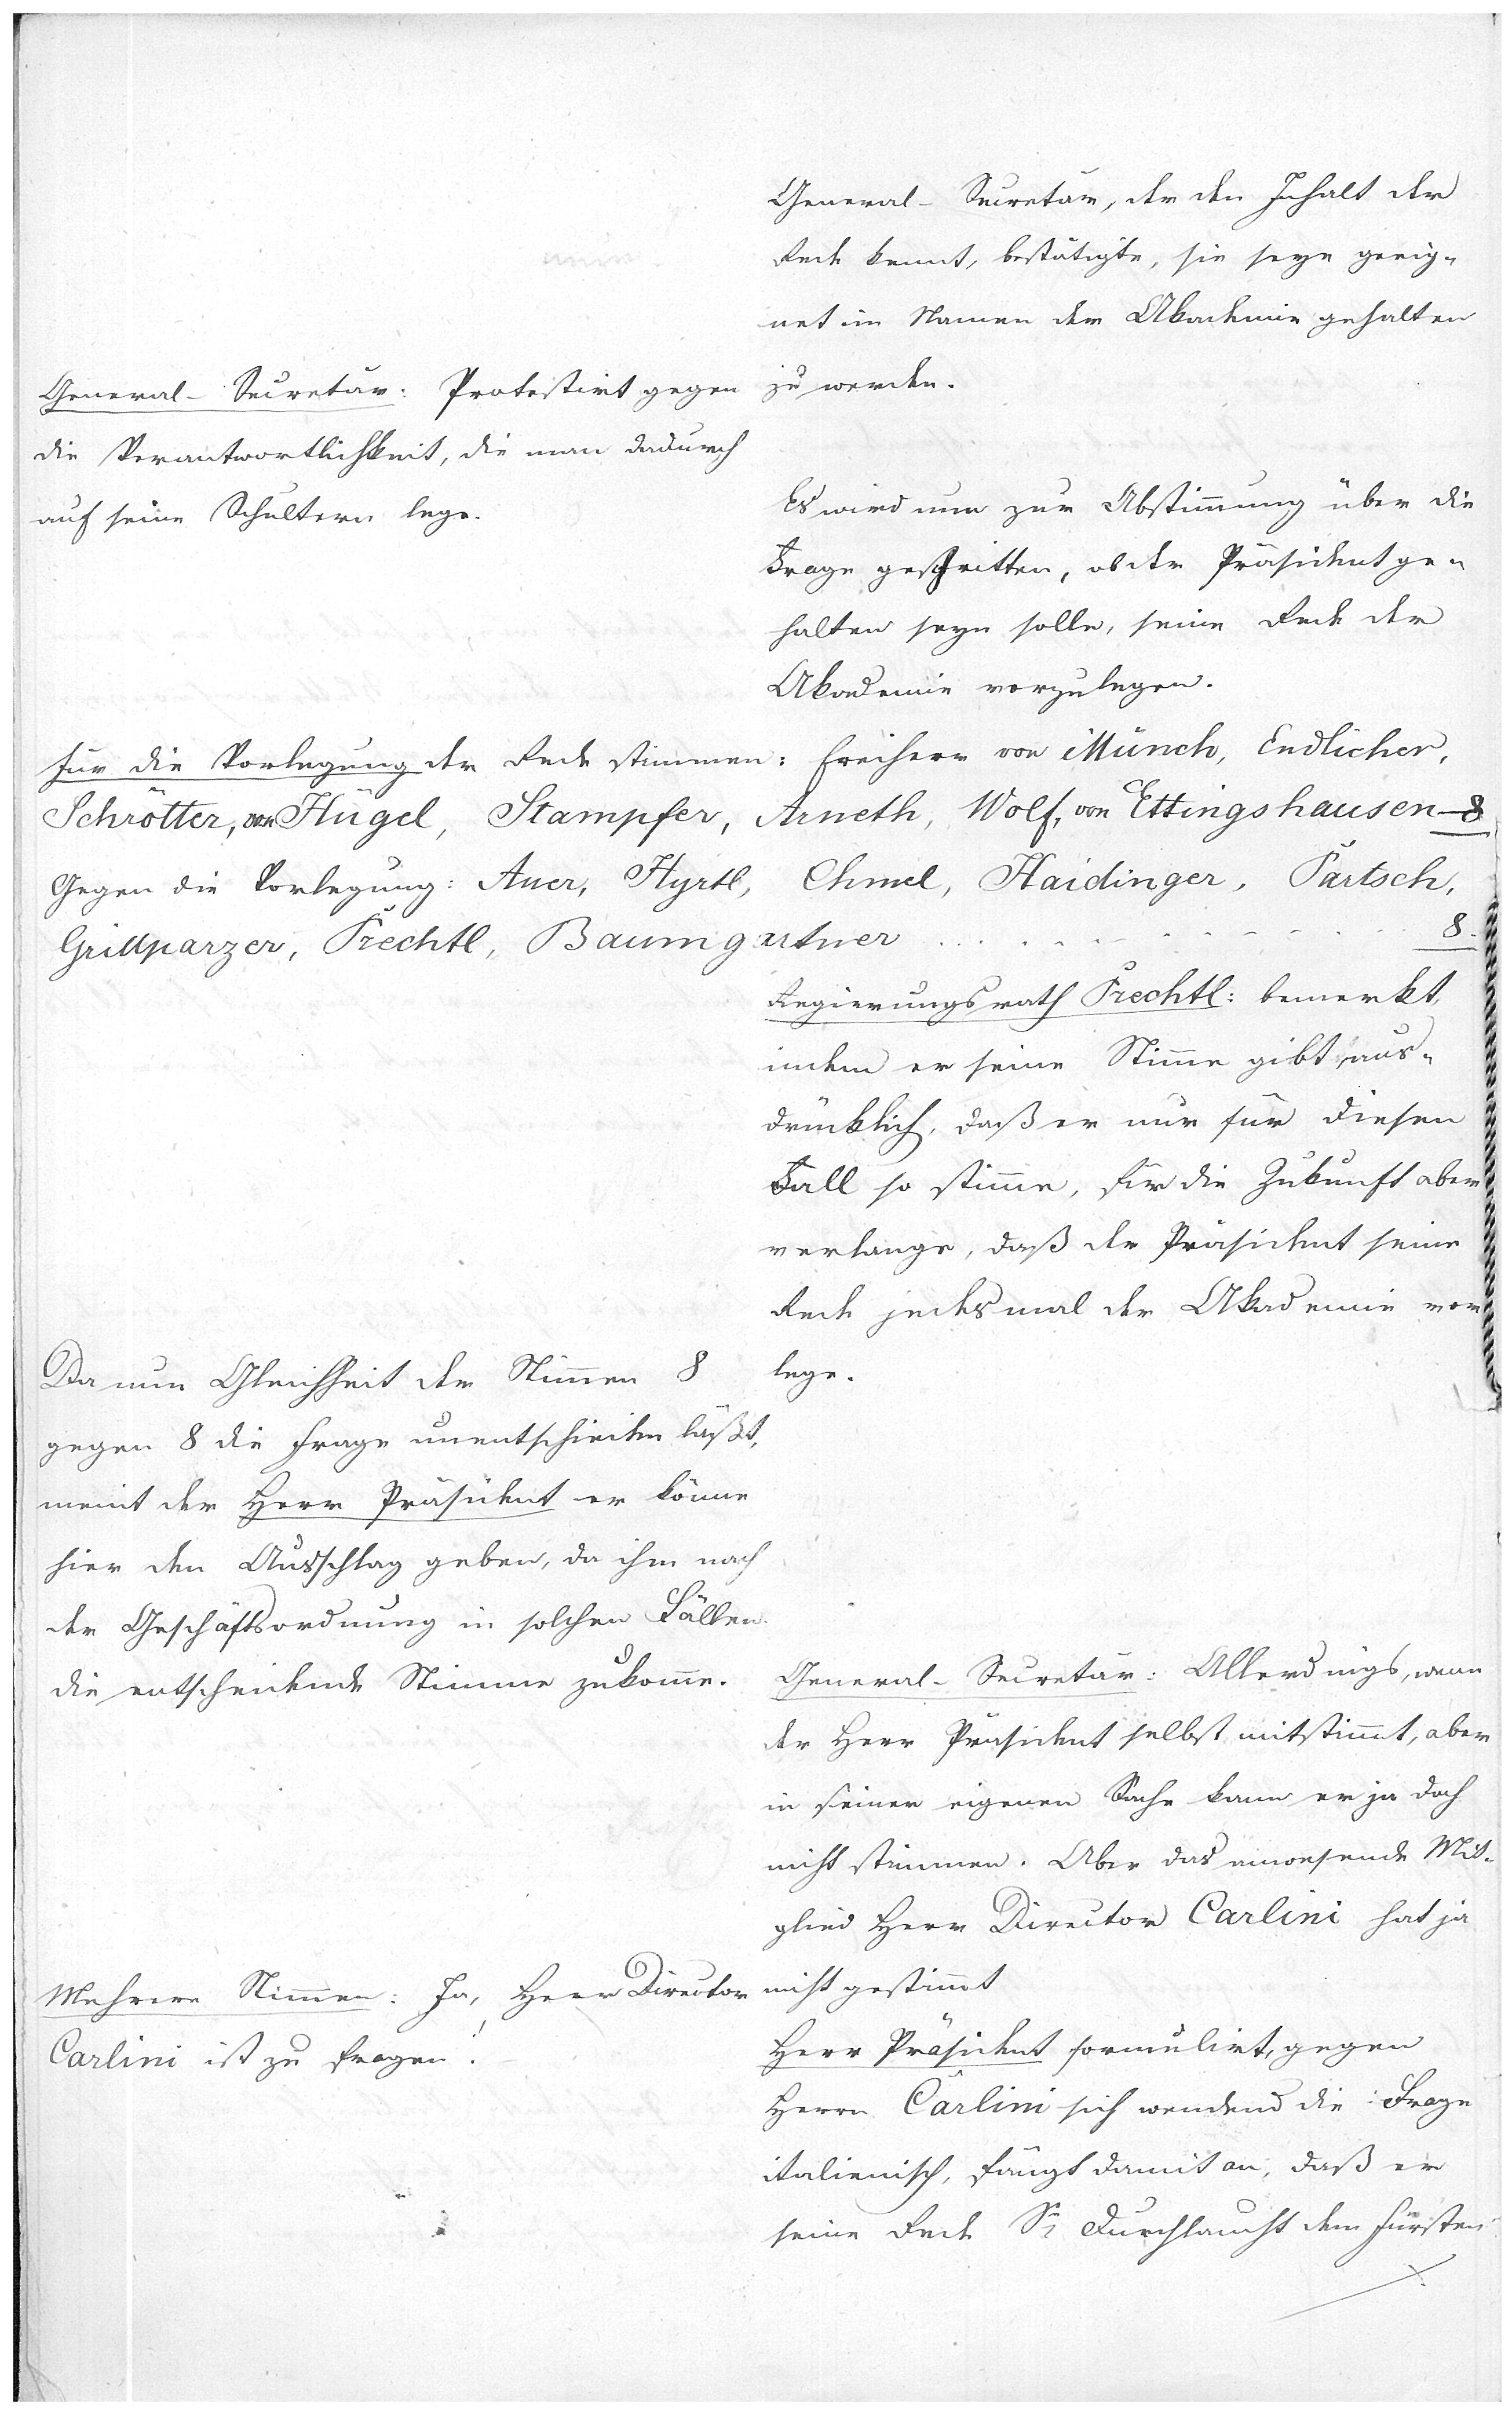General-Secretär, der den Inhalt der
Rede kennt, bestätigte, sie seye geeig-
net im Namen der Akademie gehalten
zu werden.
General-Secretär: Protestirt gegen
die Verantwortlichkeit, die man dadurch
auf seine Schultern lege.
Es wird nun zur Abstimmung über die
Frage geschritten, ob der Präsident ge-
halten seyn solle, seine Rede der
Akademie vorzulegen.
Für die Vorlegung der Rede stimmen: Freiherr von Münch, Endlicher,
Schrötter, von Hügel, Stampfer, Arneth, Wolf, von Ettingshausen - 8
Gegen die Vorlegung: Auer, Hyrtl, Chmel, Haidinger, Partsch,
Grillparzer, Prechtl, Baumgartner . . . . . . . . . . . . . 8
Regierungsrath Prechtl: bemerkt,
indem er seine Stimme gibt, aus-
drücklich, daß er nur für diesen
Fall so stimme, für die Zukunft aber
verlange, daß der Präsident seine
Rede jedesmal der Akademie vor-
lege.
Da nun Gleichheit der Stimmen 8
gegen 8 die Frage unentschieden läßt,
meint der Herr Präsident er könne
hier den Ausschlag geben, da ihm nach
der Geschäftsordnung in solchen Fällen
die entscheidende Stimme zukomme.
General-Secretär: Allerdings, wenn
der Herr Präsident selbst mitstimmt, aber
in seiner eigenen Sache kann er ja doch
nicht stimmen. Aber das anwesende Mit-
glied Herr Director Carlini hat ja
nicht mitgestimmt.
Mehrere Stimmen: Ja, Herr Director
Carlini ist zu fragen.
Herr Präsident formulirt, gegen
Herrn Carlini sich wendend die Frage
italienisch, fängt damit an, daß er
seine Rede Sr. Duchlaucht dem Fürsten